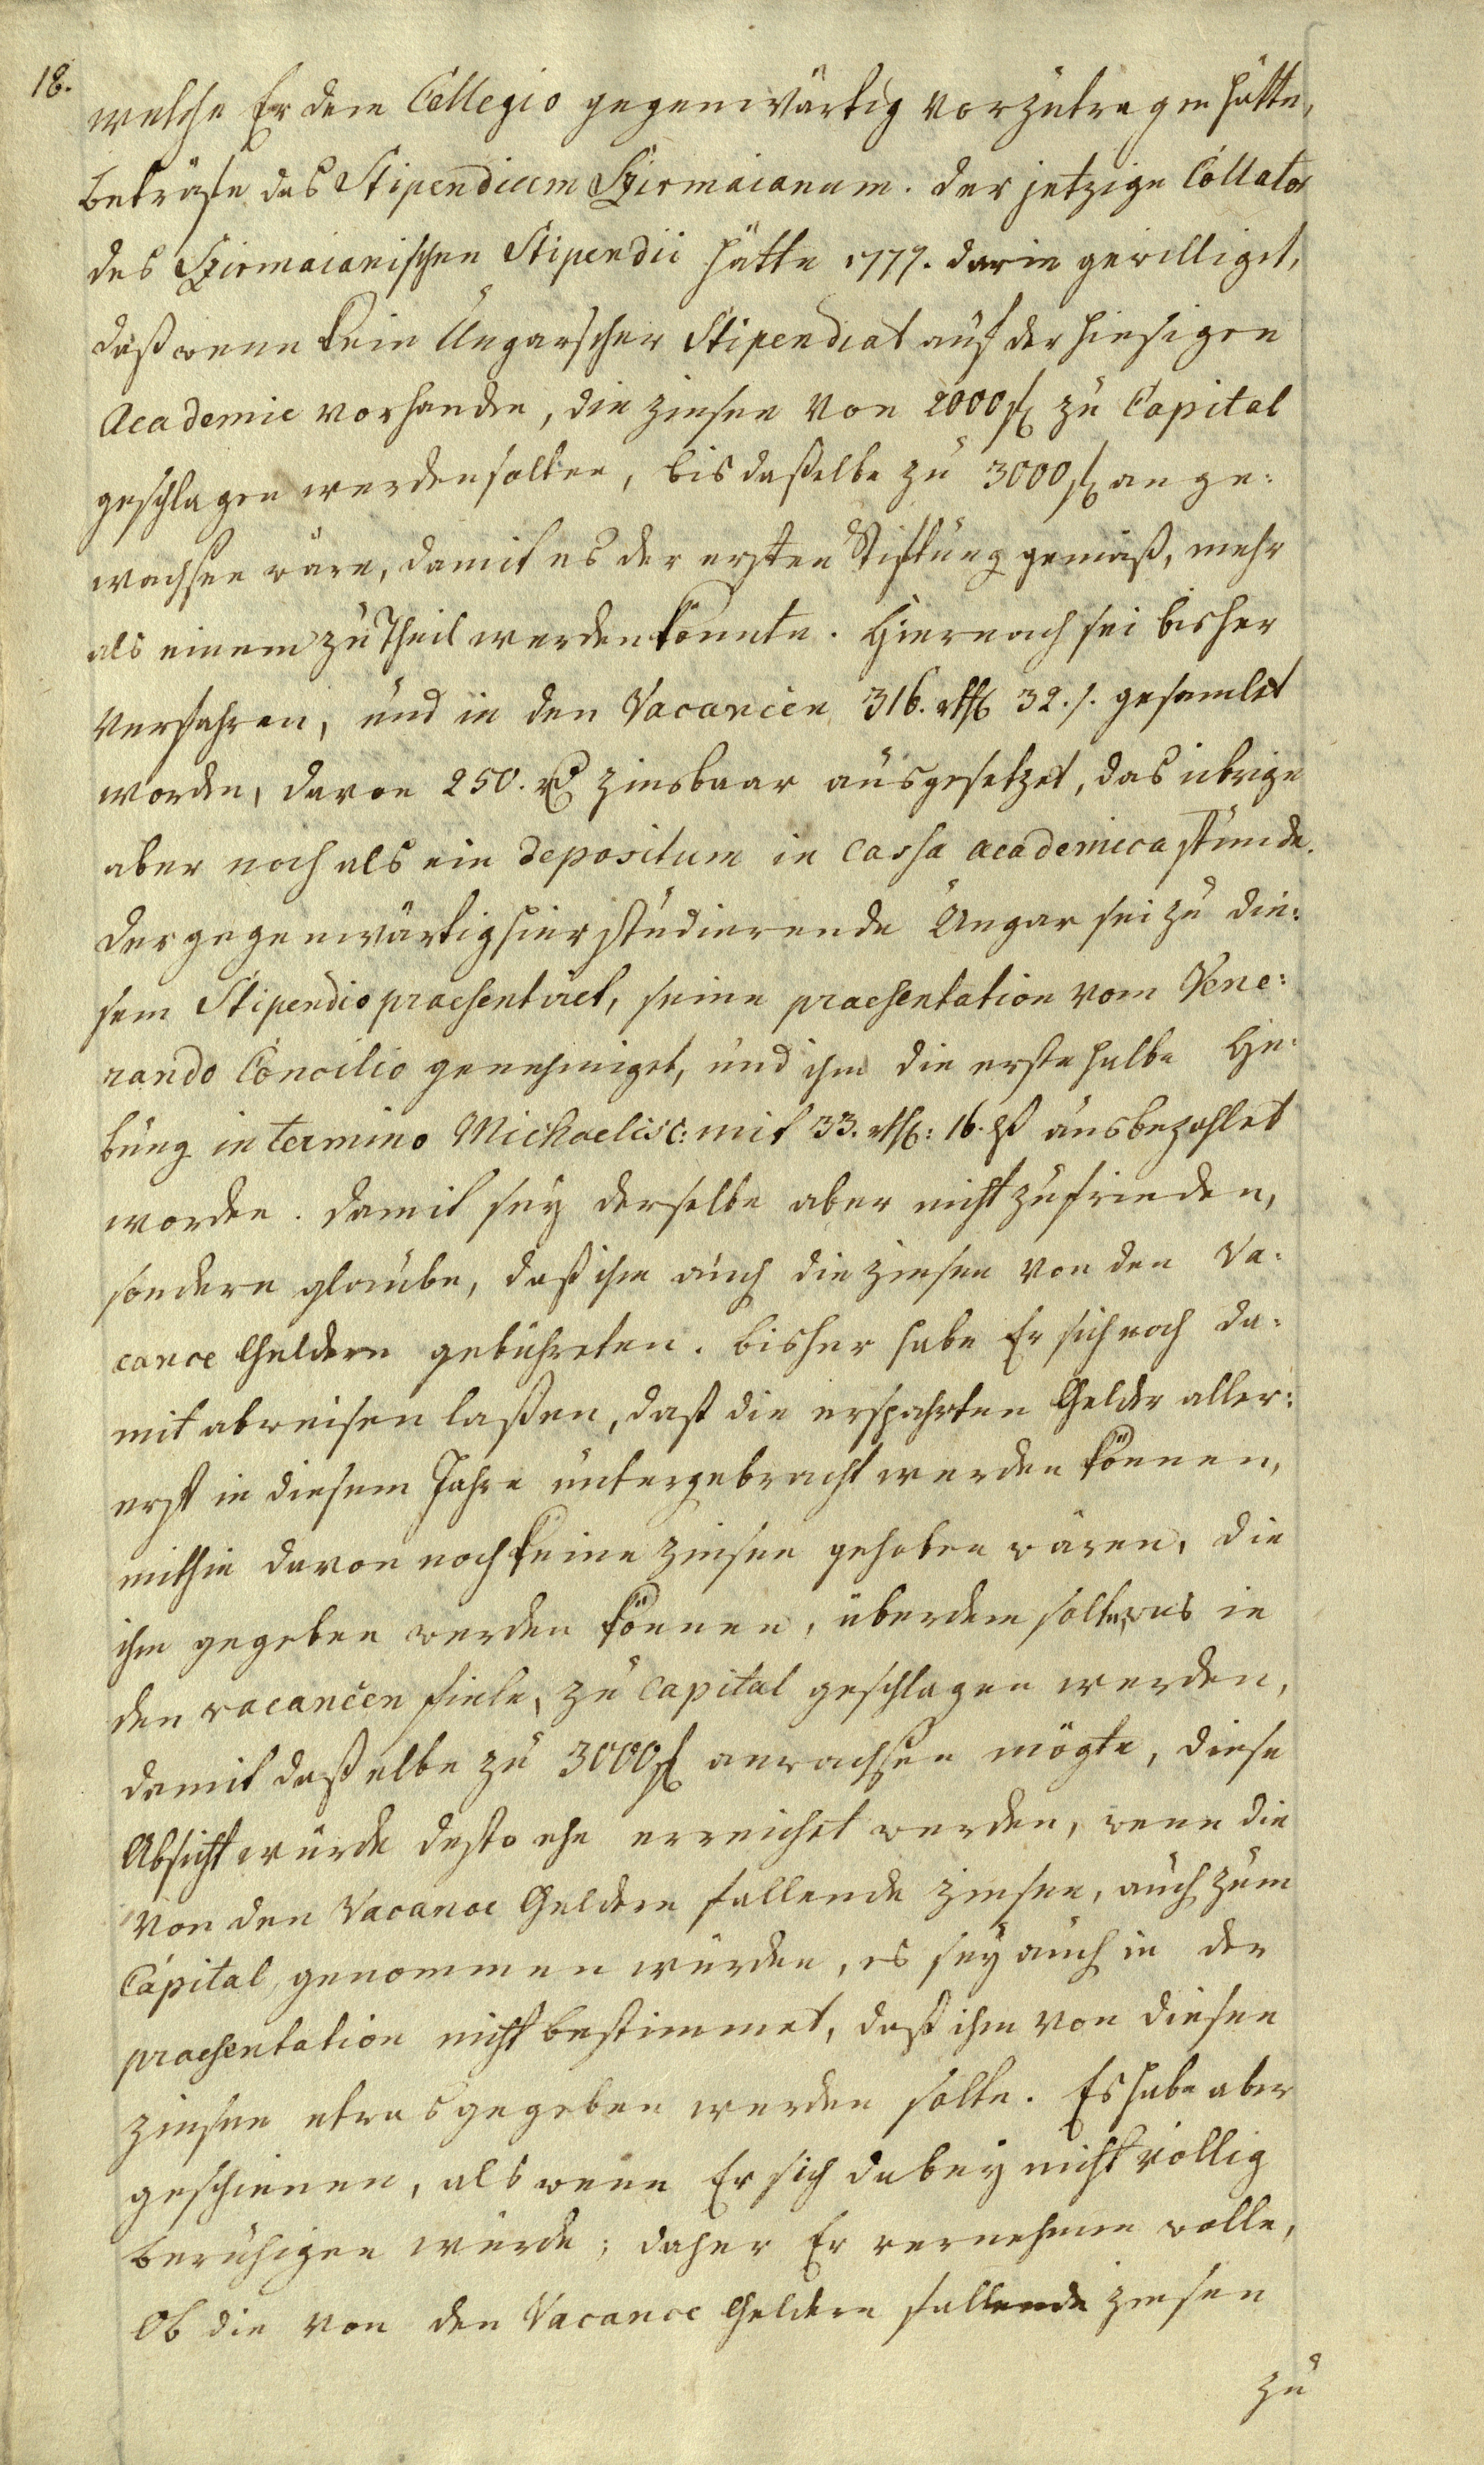welche Er dem Collegio gegenwärtig vorzutragen hätte,
beträfe das Stipendium Szirmaianum. Der jetzige Collator
des Szirmaianischen Stipendii hätte 1777. darin gewilliget,
daß wenn kein Ungarscher Stipendiat auf der hiesigen
Academie vorhanden, die Zinsen von 2000 s zu Capital
geschlagen werden solten, bis daßelbe zu 3000 s an ge¬
wachsen wäre, damit es der ersten Stiftung gemäß, mehr
als einem zu Theil werden könnte. Hiernach sei bisher
verfahren, und in den Vacarien 316. rtl. 32. s. gesamlet
worden, davon 250. r zinsbaar ausgesetzet, das übrige
aber noch als ein depositum in cassa academica stünde.
Der gegenwärtig hier studierende Ungar sei zu die¬
sem Stipendio praesentiret, seine praesentation vom Vene¬
rando Concilio genehmigt, und ihm die erste halbe He¬
bung in termino Michaelis c. mit 33. r. 16.s. ausbezahlet
worden. Damit seÿ derselbe aber nicht zufrieden,
sondern glaube, daß ihm auch die zinsen von den Va¬
cance Geldern gebühreten. Bisher habe Er sich noch da¬
mit abweisen laßen, daß die erspahrten Gelder aller¬
erst in diesem Jahre untergebracht werden können,
mithin davon noch keine Zinsen gehoben wären, die
ihm gegeben werden können, überdem solte,was in
den vacancen fiele, zu capital geschlagen werden,
damit daßelbe zu 3000 s anwachsen mögte, diese
Absicht würde desto ehe erreichet werden, wenn die
von den Vacance Geldern fallende Zinsen, auch zum
capital genommen würden, es seÿ auch in der
praesentation nicht bestimmet, daß ihm von diesen
zinsen etwas gegeben werden solte. Es habe aber
geschienen, als wenn Er sich dabeÿ nicht völlig
beruhigen würde, daher Er vernehmen wolle,
ob die von den Vacance Geldern fallende zinsen
zu